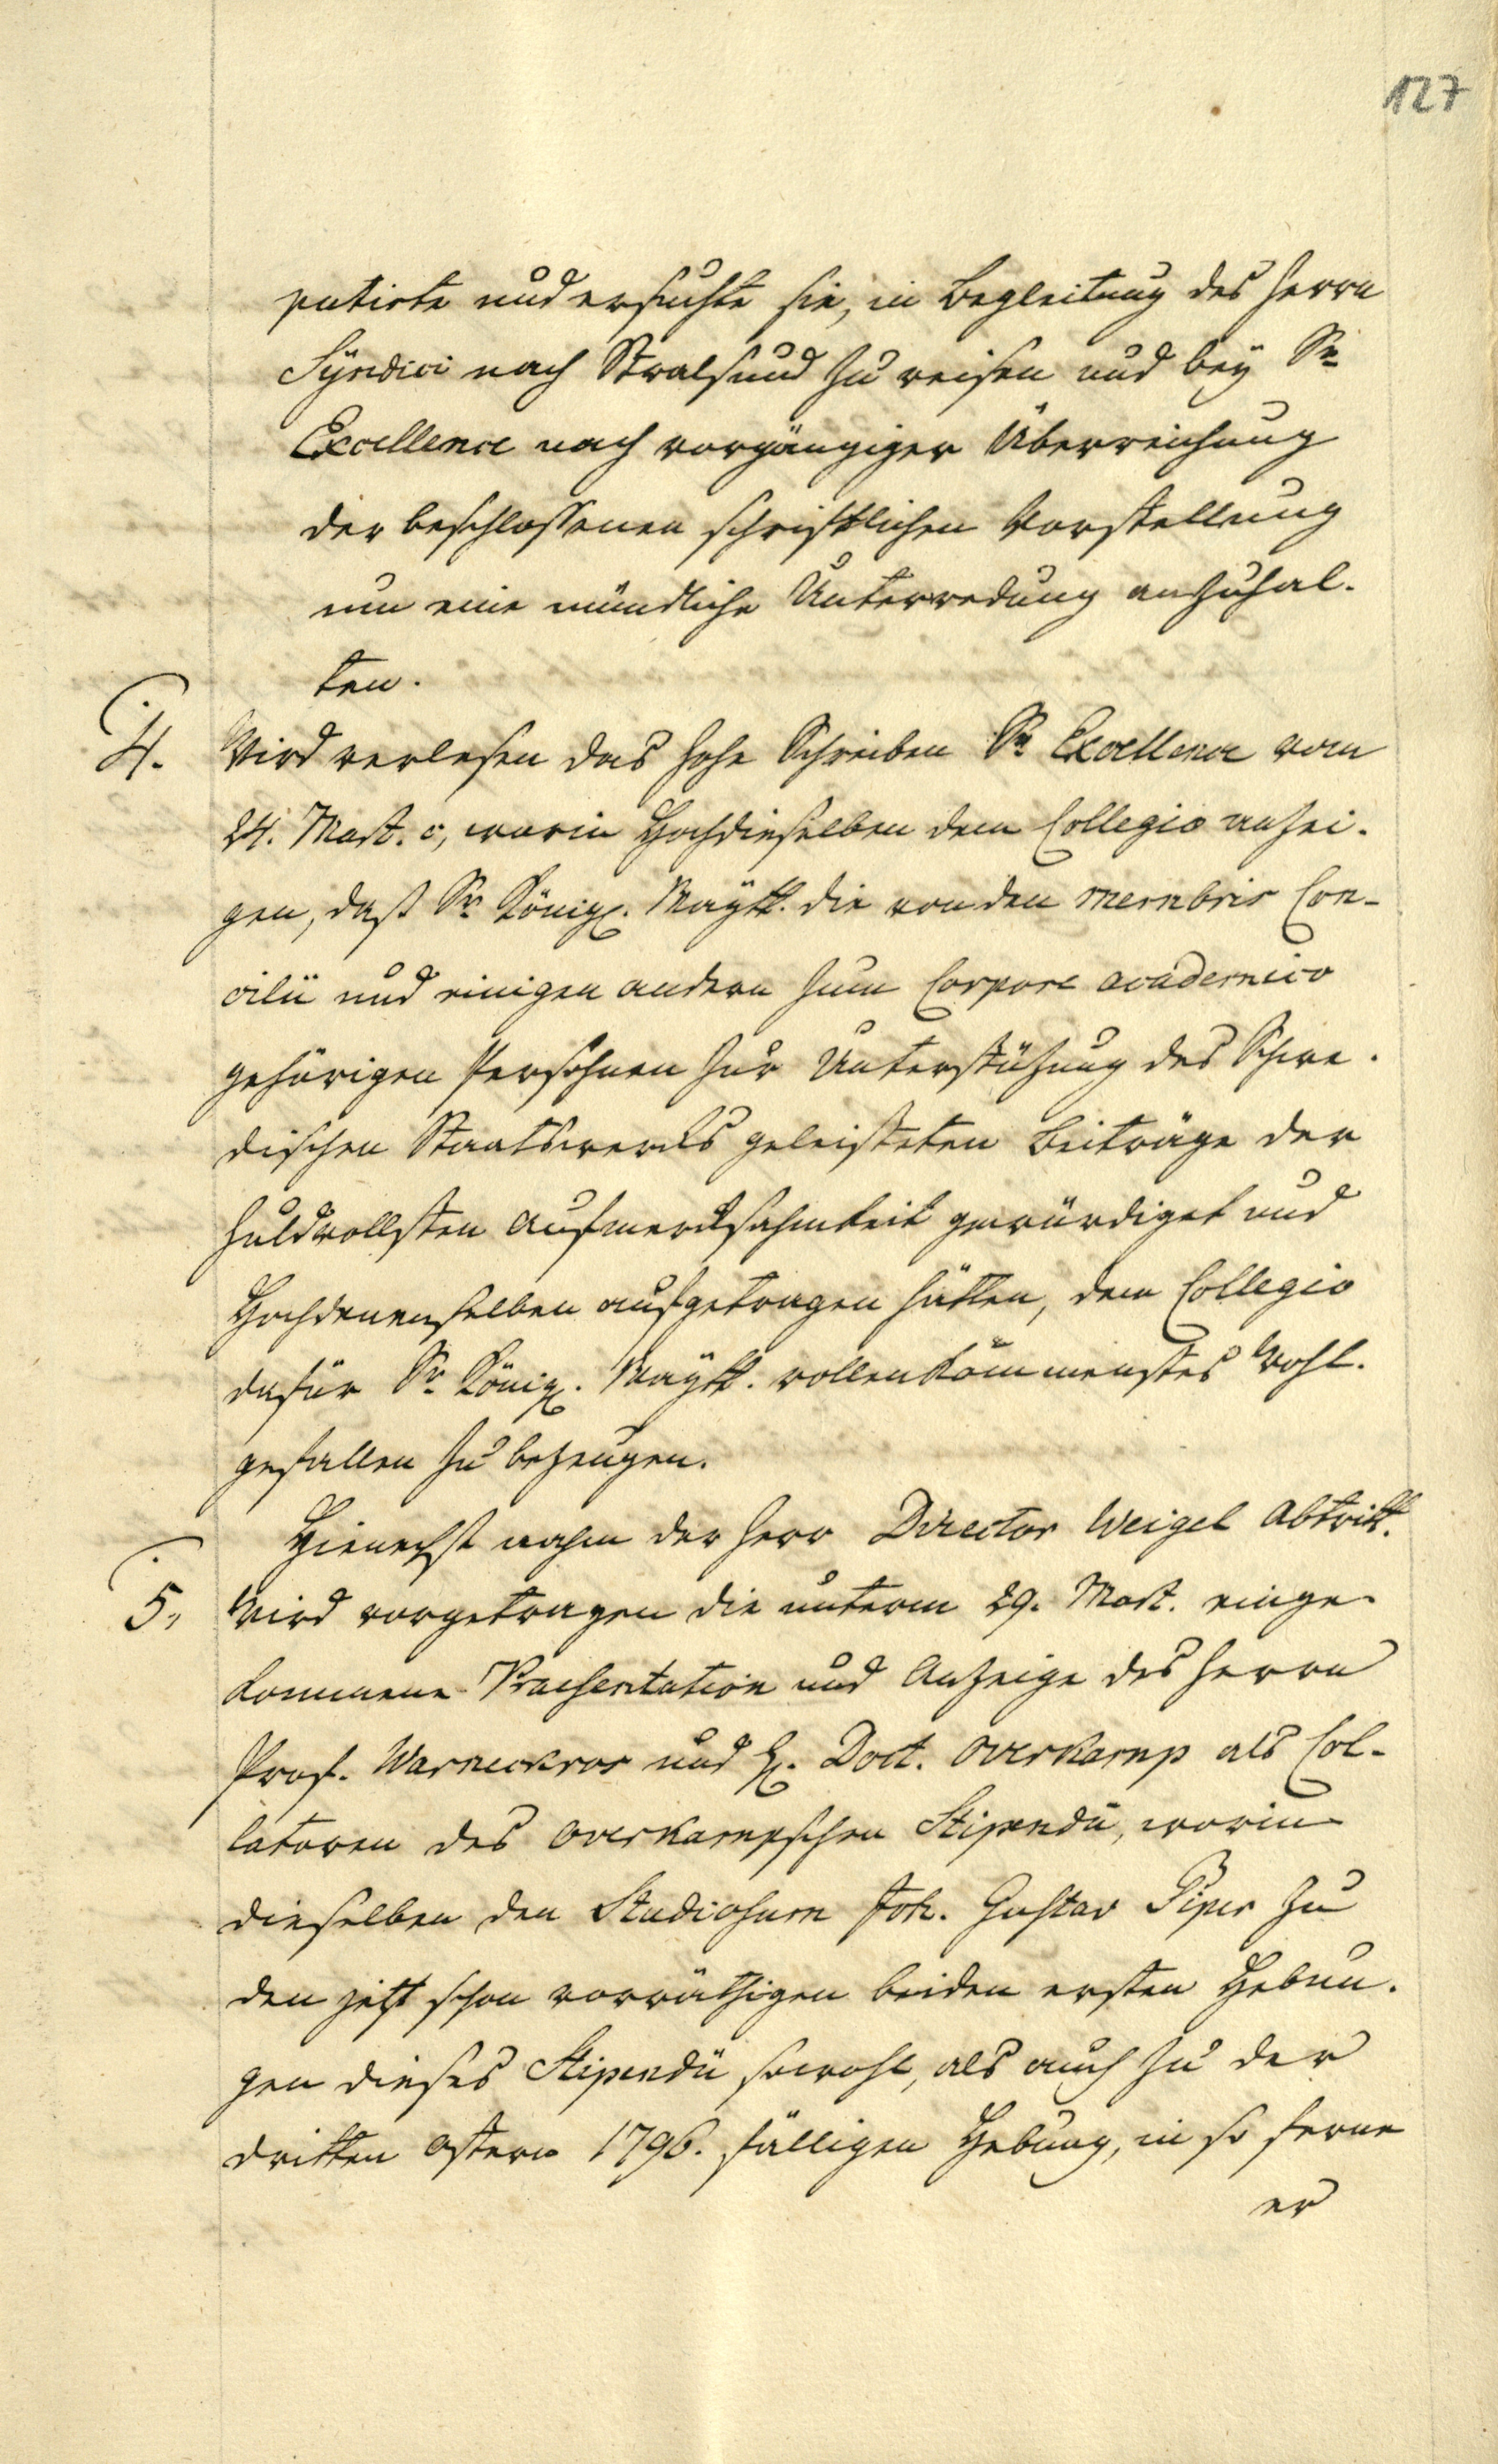putirte und ersuchte sie, in Begleitung des Herrn
Sÿndici nach Stralsund zu reisen und beÿ Sr
Excellence nach vorgängiger Überreichung
der beschlossenen schriftlichen Vorstellung
um eine mündliche Unterredung anzuhal¬
ten.
4. Wird verlesen das hohe Schreiben Sr Excellence vom
24. Mart. c, worin Hochdieselben dem Collegio anzei¬
gen, daß Sr Königl. Maÿtt. die von den Membris Con¬
cilii und einigen andern zum Corpore academico
gehörigen Persohnen zur Unterstützung des Schwe¬
dischen Staatswercks geleisteten Beiträge der
huldvollsten Aufmercksahmkeit gewürdiget und
Hochdenenselben aufgetragen hätten, dem Collegio
dafür Sr Königl. Maÿtt. vollenkommenstes Wohl¬
gefallen zu bezeugen.
Hienechst nahm der Herr Director Weigel Abtritt.
5., Wird vorgetragen die unterm 29. Mart. einge¬
kommene Praesentation und Anzeige des Herrn
Prof. Warneckros und H. Doct. Overkamp als Col¬
latoren des Overkampschen Stipendii, worin
dieselben den Studiosum Joh. Gustav Piper zu
den jetzt schon vorräthigen beiden ersten Hebun¬
gen dieses Stipendii sowohl, als auch zu der
dritten Ostern 1796. fälligen Hebung, in so ferne
er